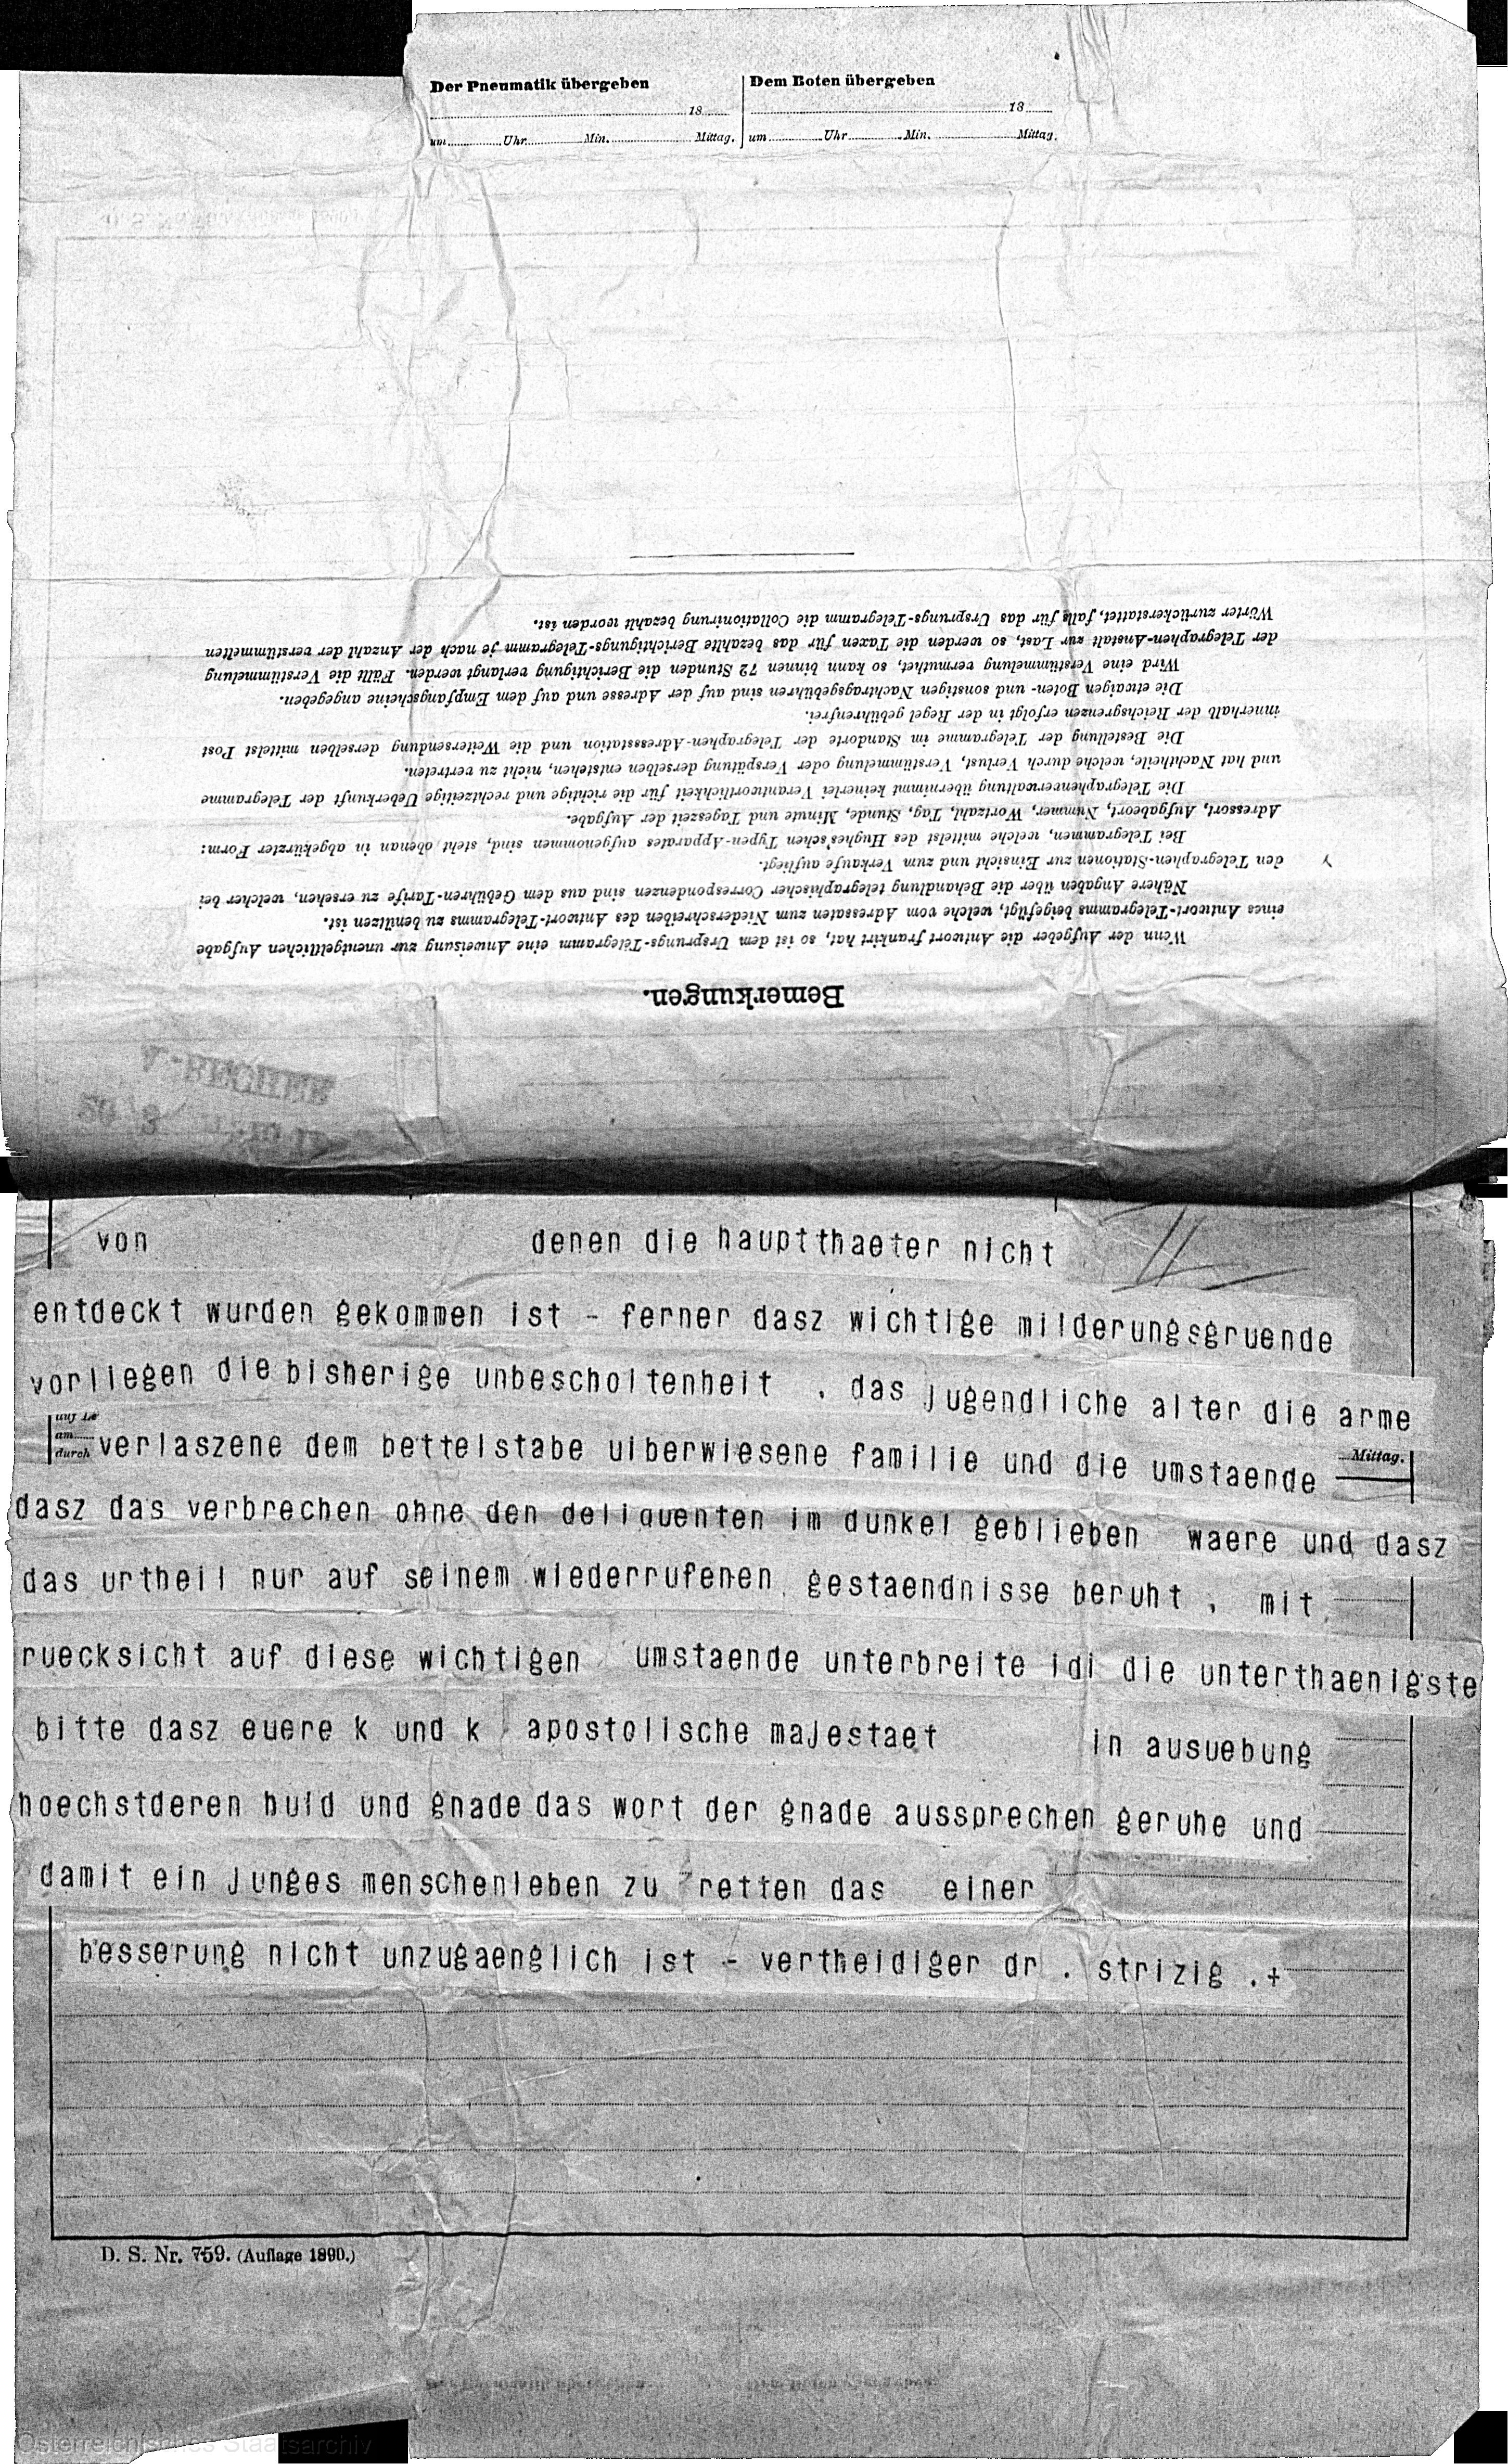von
denen die hauptthaeter nicht
entdeckt wurden gekommen ist - ferner dasz wichtige milderungsgruende
vorliegen diebisherige unbescholtenheit, das jugendliche alter die arme
verlaszene dem bettelstabe uiberwiesene familie und die umstaende
dasz das verbrechen ohne den deliquenten im dunkel geblieben waere und dasz
das urtheil nur auf seinem wiederrufenen gestaendnisse beruht, mit
ruecksicht auf diese wichtigen umstaende unterbreite ich die unterthaenigste
bitte dasz euere k und k apostolische majestaet in ausuebung
hoechstderenhuld und gnade das wort der gnade aussprechen geruhe und
damitein Junges menschenleben zu retten das einer
besserung nicht unzugaenglich ist - vertheidiger dr. strizig.+
D. S. N° 759. (Auflage 1890.)
Dem Boten übergeben
Der Pneumatik übergeben
...............18......
...............18......
um.........Uhr.....Min...... Mittag.
um.........Uhr.....Min...... Mittag.
Bemerkungen.
Wenn der Aufgeber die Antwort frankirt hat, so ist dem Ursprungs-Telegramm eine Anweisung zur unenigelilichen Aufgabe
eines Antwort-Telegramms beigefügt, welche vom Adressaten zum Niederschreiben des Antwort-Telegramms zu benützen ist.
Nähere Angaben über die Behandlung telegraphischer Correspondenzen sind aus dem Gebühren-Tarife zu ersehen, welcher bei
den Telegraphen-Stationen zur Einsicht und zum Verkaufe aufliegt.
Bei Telegrammen, welche mittelst des Hughes'schen Typen-Apparates aufgenommen sind, steht obenan in abgekürzter Form:
Adressort, Aufgabeort, Nummer, Wortzahl, Tag, Stunde, Minute und Tageszeit der Aufgabe.
Die Telegraphenverwaltung übernimmt keinerlei Verantwortlichkeit für die richtige und rechtzeitige Ueberkunft der Telegramme
und hat Nachtheile, welche durch Verlust, Verstümmelung oder Verspätung derselben entstehen, nicht zu vertreten.
Die Bestellung der Telegramme im Standorte der Telegraphen-Adressstation und die Weitersendung derselben mittelst Post
innerhalb der Reichsgrenzen erfolgt in der Regel gebührenfrei.
Die etwaigen Boten- und sonstigen Nachtragsgebühren sind auf der Adresse und auf dem Empfangscheine angegeben.
Wird eine Verstümmelung vermuthet, so kann binnen 72 Stunden die Berichtigung verlangt werden. Fällt die Verstümmelung
der Telegraphen-Anstalt zur Last, so werden die Taxen für das bezahlte Berichtigungs-Telegramm je nach der Anzahl der verstümmelten
Wörter zurückerstattet, falls für das Ursprungs-Telegramm die Collationirung bezahlt worden ist.